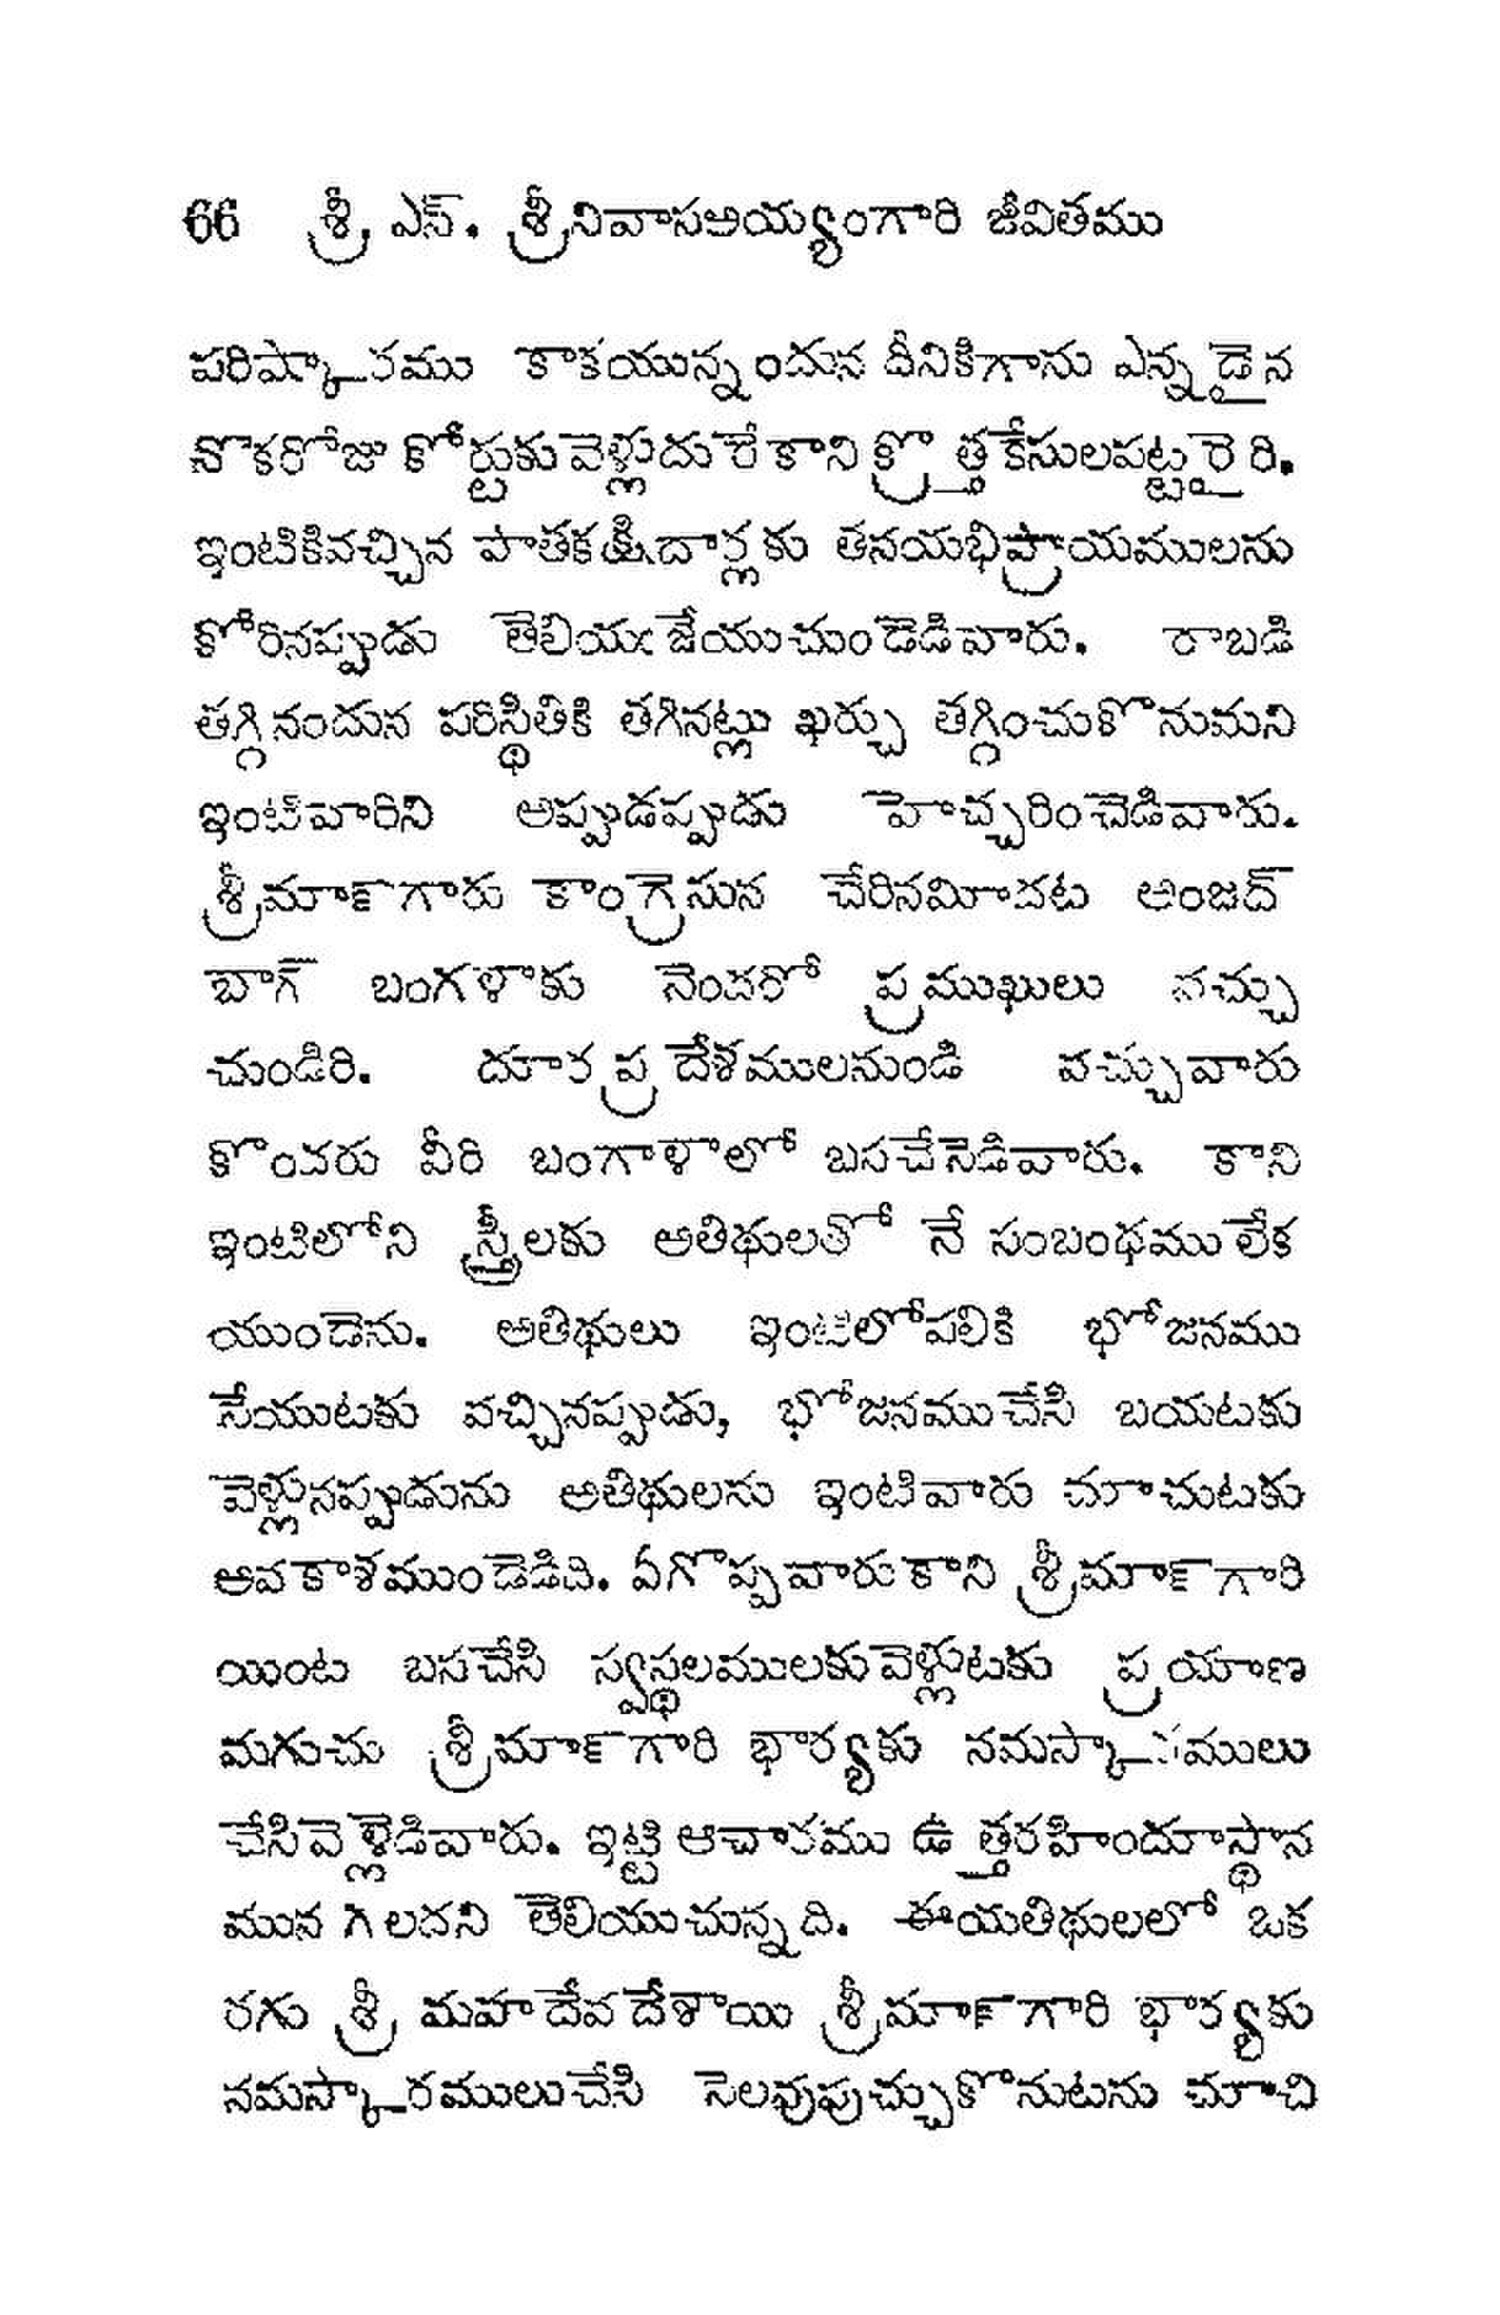పరిష్కారము కాకయున్నందున దీనికిగాను ఎన్నడైన నొకరోజు కోర్టుకువెళ్లుదురేకాని క్రొత్తకేసులపట్టరైరి. ఇంటికివచ్చిన పాతకక్షిదార్లకు తనయభిప్రాయములను కోరినప్పుడు తెలియఁజేయుచుండెడివారు. రాబడి తగ్గినందున పరిస్థితికి తగినట్లు ఖర్చు తగ్గించుకొనుమని ఇంటివారిని అప్పుడప్పుడు హెచ్చరించెడివారు. శ్రీమా౯గారు కాంగ్రెసున చేరినమీదట ఆంజద్‌బాగ్ బంగళాకు నెందరో ప్రముఖులు వచ్చుచుండిరి. దూరప్రదేశములనుండి వచ్చువారు కొందరు వీరి బంగాళాలో బసచేసెడివారు. కాని ఇంటిలోని స్త్రీలకు అతిథులతో నే సంబంధములేక యుండెను. అతిథులు ఇంటిలోపలికి భోజనము సేయుటకు వచ్చినప్పుడు, భోజనముచేసి బయటకు వెళ్లునప్పుడును అతిథులను ఇంటివారు చూచుటకు అవకాశముండెడిది. ఏగొప్పవారు కాని శ్రీమా౯గారి యింట బసచేసి స్వస్థలములకువెళ్లుటకు ప్రయాణమగుచు శ్రీమా౯గారి భార్యకు నమస్కారములు చేసివెళ్లెడివారు. ఇట్టిఆచారము ఉత్తరహిందూస్థానమున గలదని తెలియుచున్నది. ఈయతిథులలో ఒకరగు శ్రీ మహదేవదేశాయి శ్రీమా౯గారి భార్యకు నమస్కారములుచేసి సెలవుపుచ్చుకొనుటను చూచి